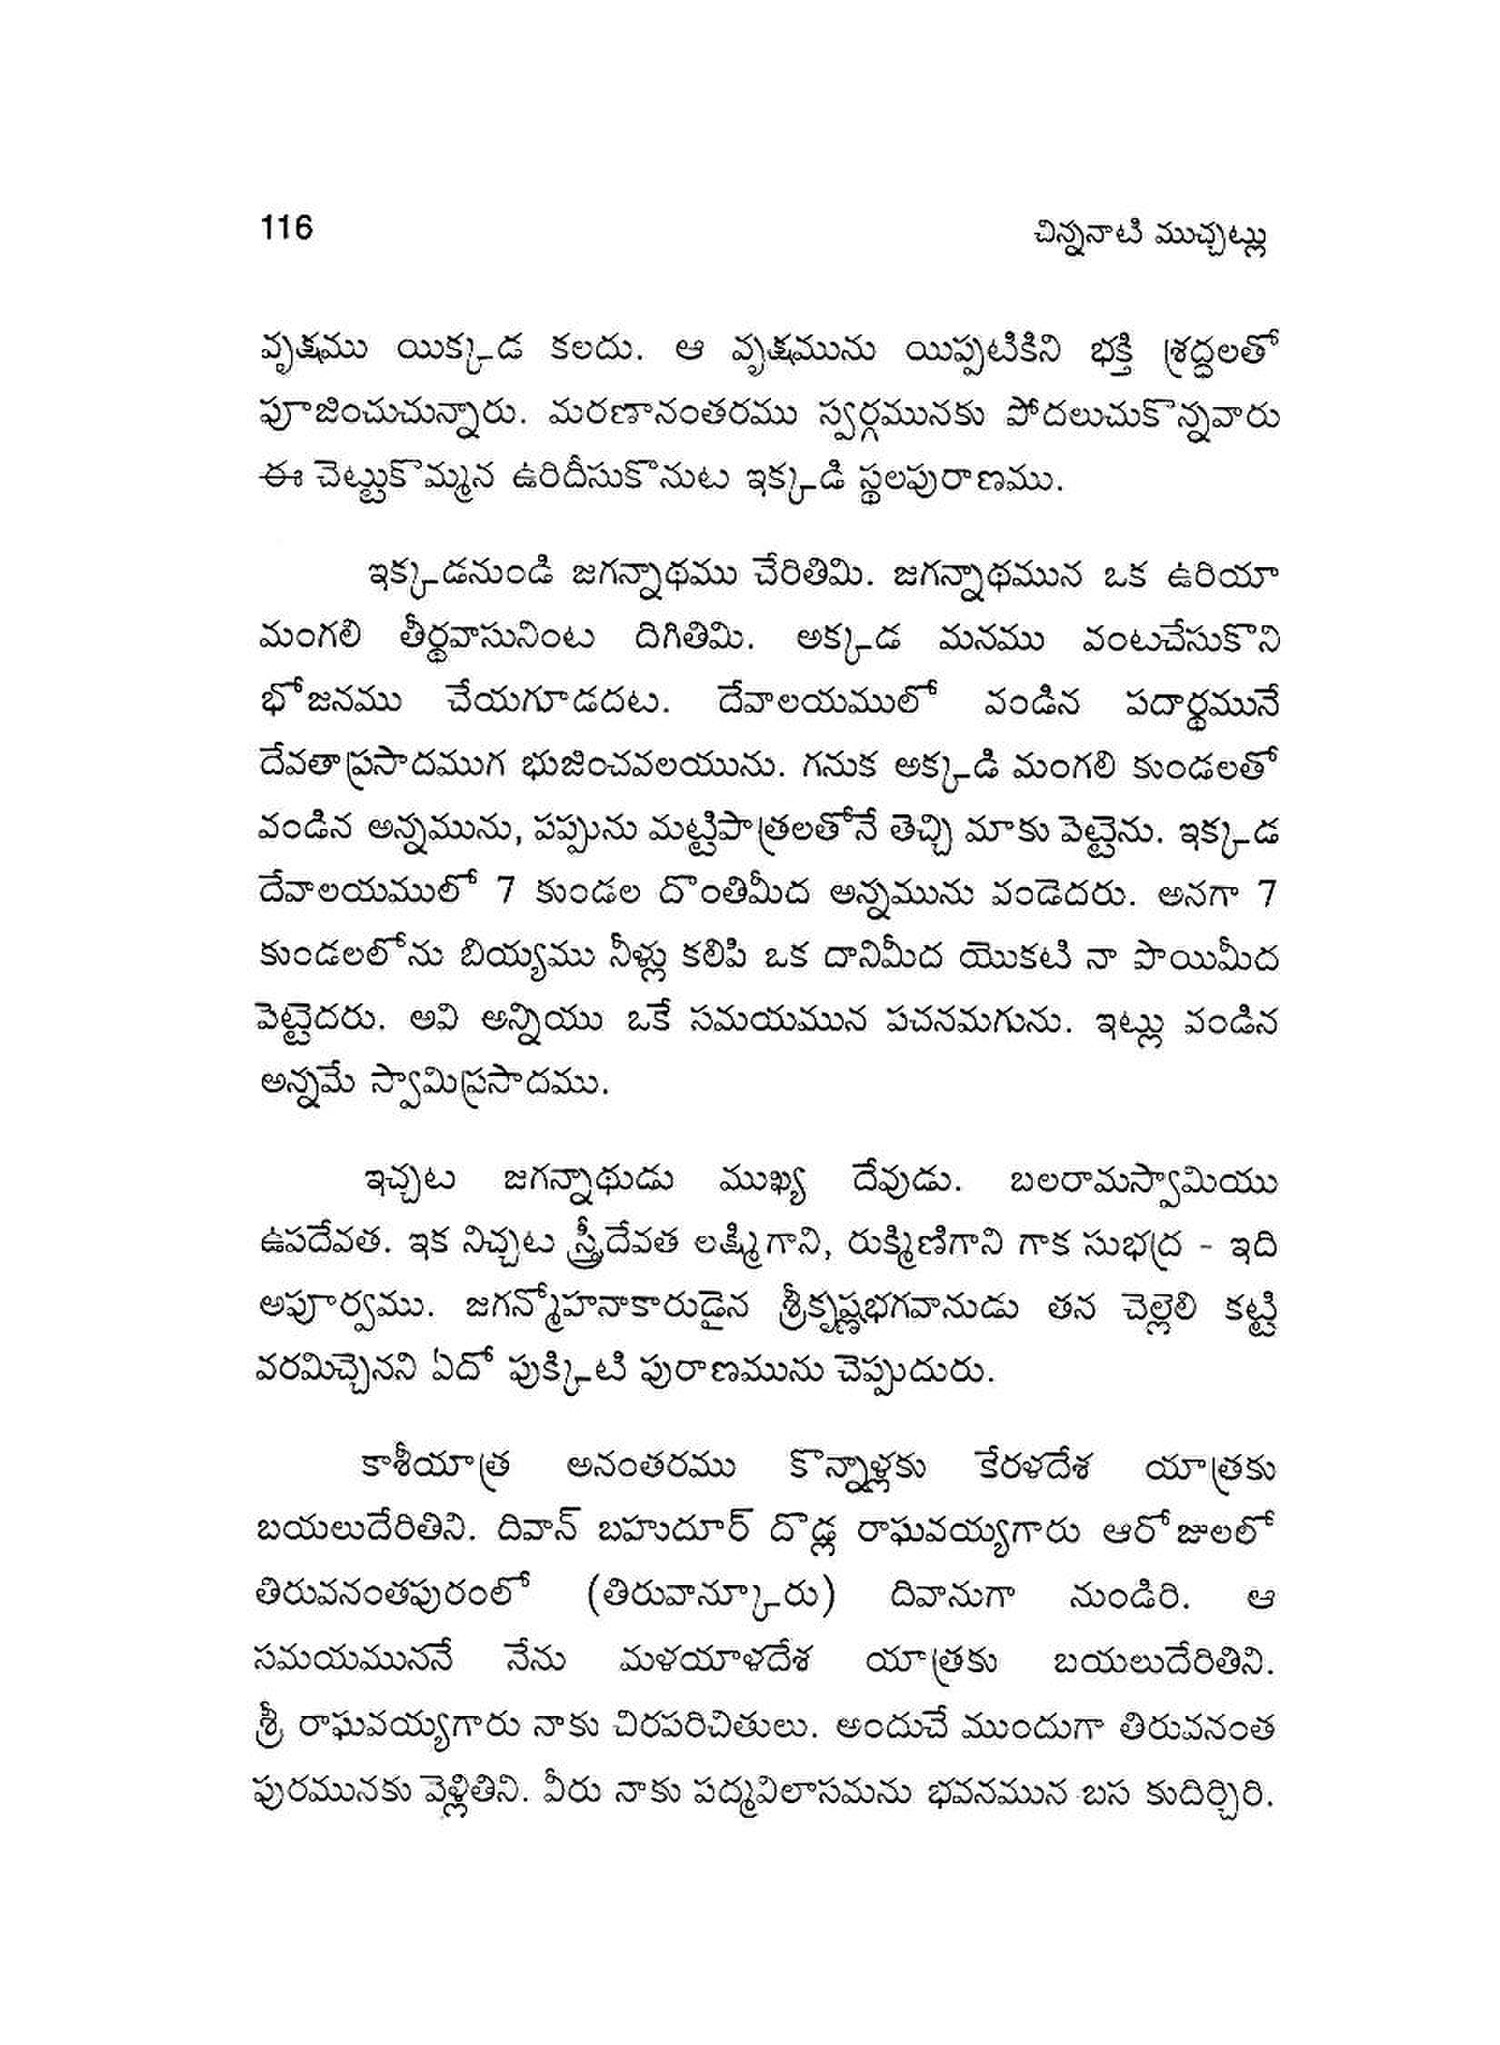వృక్షము యిక్కడ కలదు. ఆ వృక్షమును యిప్పటికిని భక్తి శ్రద్దలతో పూజించుచున్నారు. మరణానంతరము స్వర్గమునకు పోదలుచుకొన్నవారు ఈ చెట్టుకొమ్మన ఉరిదీసుకొనుట ఇక్కడి స్థలపురాణము.

ఇక్కడనుండి జగన్నాథము చేరితిమి. జగన్నాథమున ఒక ఉరియా మంగలి తీర్థవాసునింట దిగితిమి. అక్కడ మనము వంటచేసుకొని భోజనము చేయగూడదట. దేవాలయములో వండిన పదార్ధమునే దేవతాప్రసాదముగ భుజించవలయును. గనుక అక్కడి మంగలి కుండలతో వండిన అన్నమును, పప్పును మట్టిపాత్రలతోనే తెచ్చి మాకు పెట్టెను. ఇక్కడ దేవాలయములో 7 కుండల దొంతిమీద అన్నమును వండెదరు. అనగా 7 కుండలలోను బియ్యము నీళ్లు కలిపి ఒక దానిమీద యొకటి నా పొయిమీద పెట్టెదరు. అవి అన్నియు ఒకే సమయమున పచనమగును. ఇట్లు వండిన అన్నమే స్వామి ప్రసాదము.

ఇచ్చట జగన్నాథుడు ముఖ్య దేవుడు. బలరామస్వామియు ఉపదేవత. ఇక నిచ్చట స్త్రీదేవత లక్ష్మీగాని, రుక్మిణిగాని గాక సుభద్ర - ఇది అపూర్వము. జగన్మోహనాకారుడైన శ్రీకృష్ణభగవానుడు తన చెల్లెలి కట్టి వరమిచ్చెనని ఏదో పుక్కిటి పురాణమును చెప్పదురు.

కాశీయాత్ర అనంతరము కొన్నాళ్లకు కేరళదేశ యాత్రకు బయలుదేరితిని. దివాన్ బహదూర్ దొడ్ల రాఘవయ్యగారు ఆరోజులలో తిరువనంతపురంలో (తిరువాన్కూరు) దివానుగా నుండిరి. ఆ సమయముననే నేను మళయాళదేశ యాత్రకు బయలుదేరితిని. శ్రీ రాఘవయ్యగారు నాకు చిరపరిచితులు. అందుచే ముందుగా తిరువనంత పురమునకు వెళ్లితిని. వీరు నాకు పద్మవిలాసమను భవనమున బస కుదిర్చిరి.